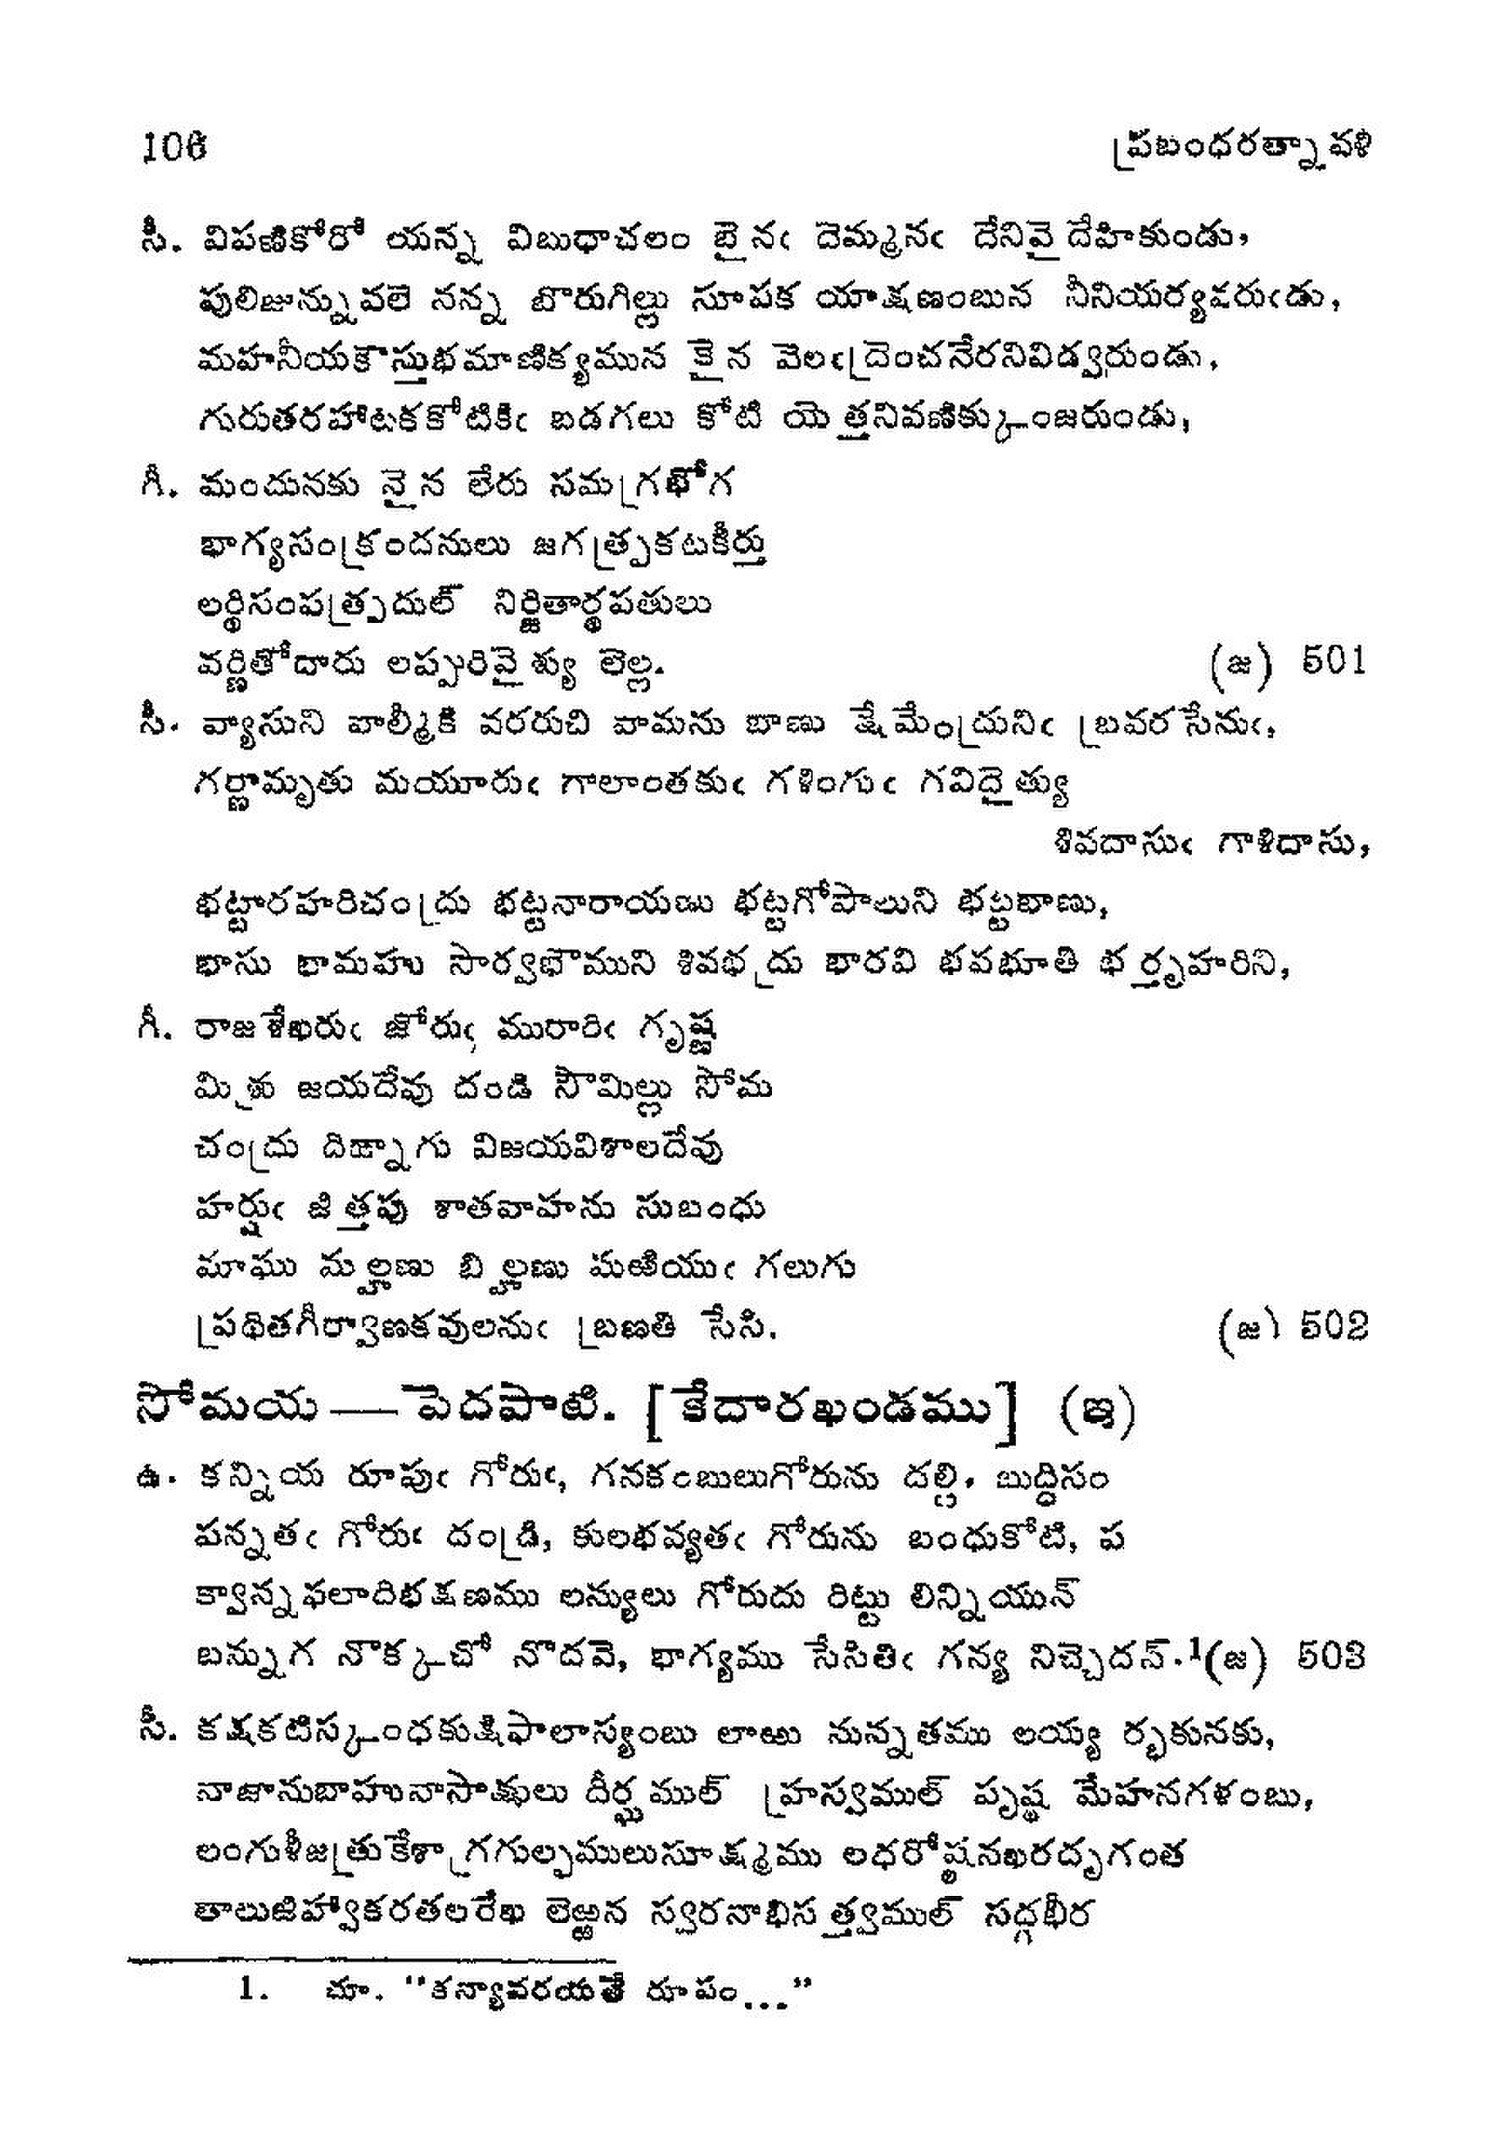సీ. విపణికోరో యన్న విబుధాచలంబైనఁ దెమ్మనఁ దేని వైదేహికుండు,
పులిజున్నువలె నన్నఁ బొరుగిల్లు సూపక యా క్షణంబున నీని యర్యవరుఁడు,
మహనీయకౌస్తుభ మాణిక్యమునకైన వెలఁద్రెంచనేరని విడ్వరుండు,
గురుతరహాటకకోటికిఁ బడగలు కోటియెత్తని వణిక్కుంజరుండు,
గీ. మందునకునైన లేరు సమగ్రభోగ
భాగ్యసంక్రందనులు జగత్ప్రకట కీర్తు
లర్థి సంపత్ప్రదుల్ నిర్జితార్థపతులు
వర్ణితోదారు లప్పురివైశ్యులెల్ల. (జ) 501

సీ. వ్యాసుని వాల్మీకి వరరుచి వామను బాణు క్షేమేంద్రునిఁ బ్రవరసేనుఁ
గర్ణామృతు మయూరుఁ గాలాంతకుఁ గళింగుఁ గవిదైత్యు శివదాసుఁ గాళిదాసు
భట్టార హరిచంద్రు భట్టనారాయణు భట్టగోపాలుని భట్టబాణు
భాసు భామహు సార్వభౌముని శివభద్రు భారవి భవభూతి భర్తృహరిని
తే. రాజశేఖరుఁజోరు మురారిఁగృష్ణ
మిశ్రు జయదేవు దండి సౌమిల్లు సోమ
చంద్రు దిఙ్నాగు విజయవిశాలదేవు
హర్షుఁ జిత్తపు శాతవాహను సుబంధు
మాఘు మల్హణు బిల్హణు మఱియుఁ గలుగు
ప్రథితగీర్వాణకవులను బ్రణతి సేసి. (జ) 502

సోమయ, పెదపాటి [కేదారఖండము] (ఇ)
ఉ. కన్నియ రూపుఁగోరుఁ, గనకంబులు గోరును దల్లి, బుద్ధిసం
పన్నతఁ గోరుఁ దండ్రి, కులభవ్యతఁ గోరును బంధుకోటి, ప
క్వాన్నపలాదిభక్షణము లన్యులు గోరుదు, లిట్టు లిన్నియున్
బన్నుగ నొక్కచో నొదవె, భాగ్యము సేసితిఁ గన్య నిచ్చెదన్. (జ) 503

సీ. కక్షకటిస్కంధకుక్షిఫాలాస్యంబు లాఱు నున్నతము లయ్యర్భకునకు,
నాజానుబాహునాసాక్షులు దీర్ఘముల్ హ్రస్వముల్ పృష్ఠమేహనగళంబు,
లంగుళీజత్రుకేశాంఘ్రిగుల్ఫములు సూక్ష్మము లధరోష్టనఖరదృగంత
తాలుజిహ్వాకరతలరేఖ లెఱ్ఱన స్వరనాభిసత్త్వముల్ సద్గభీర